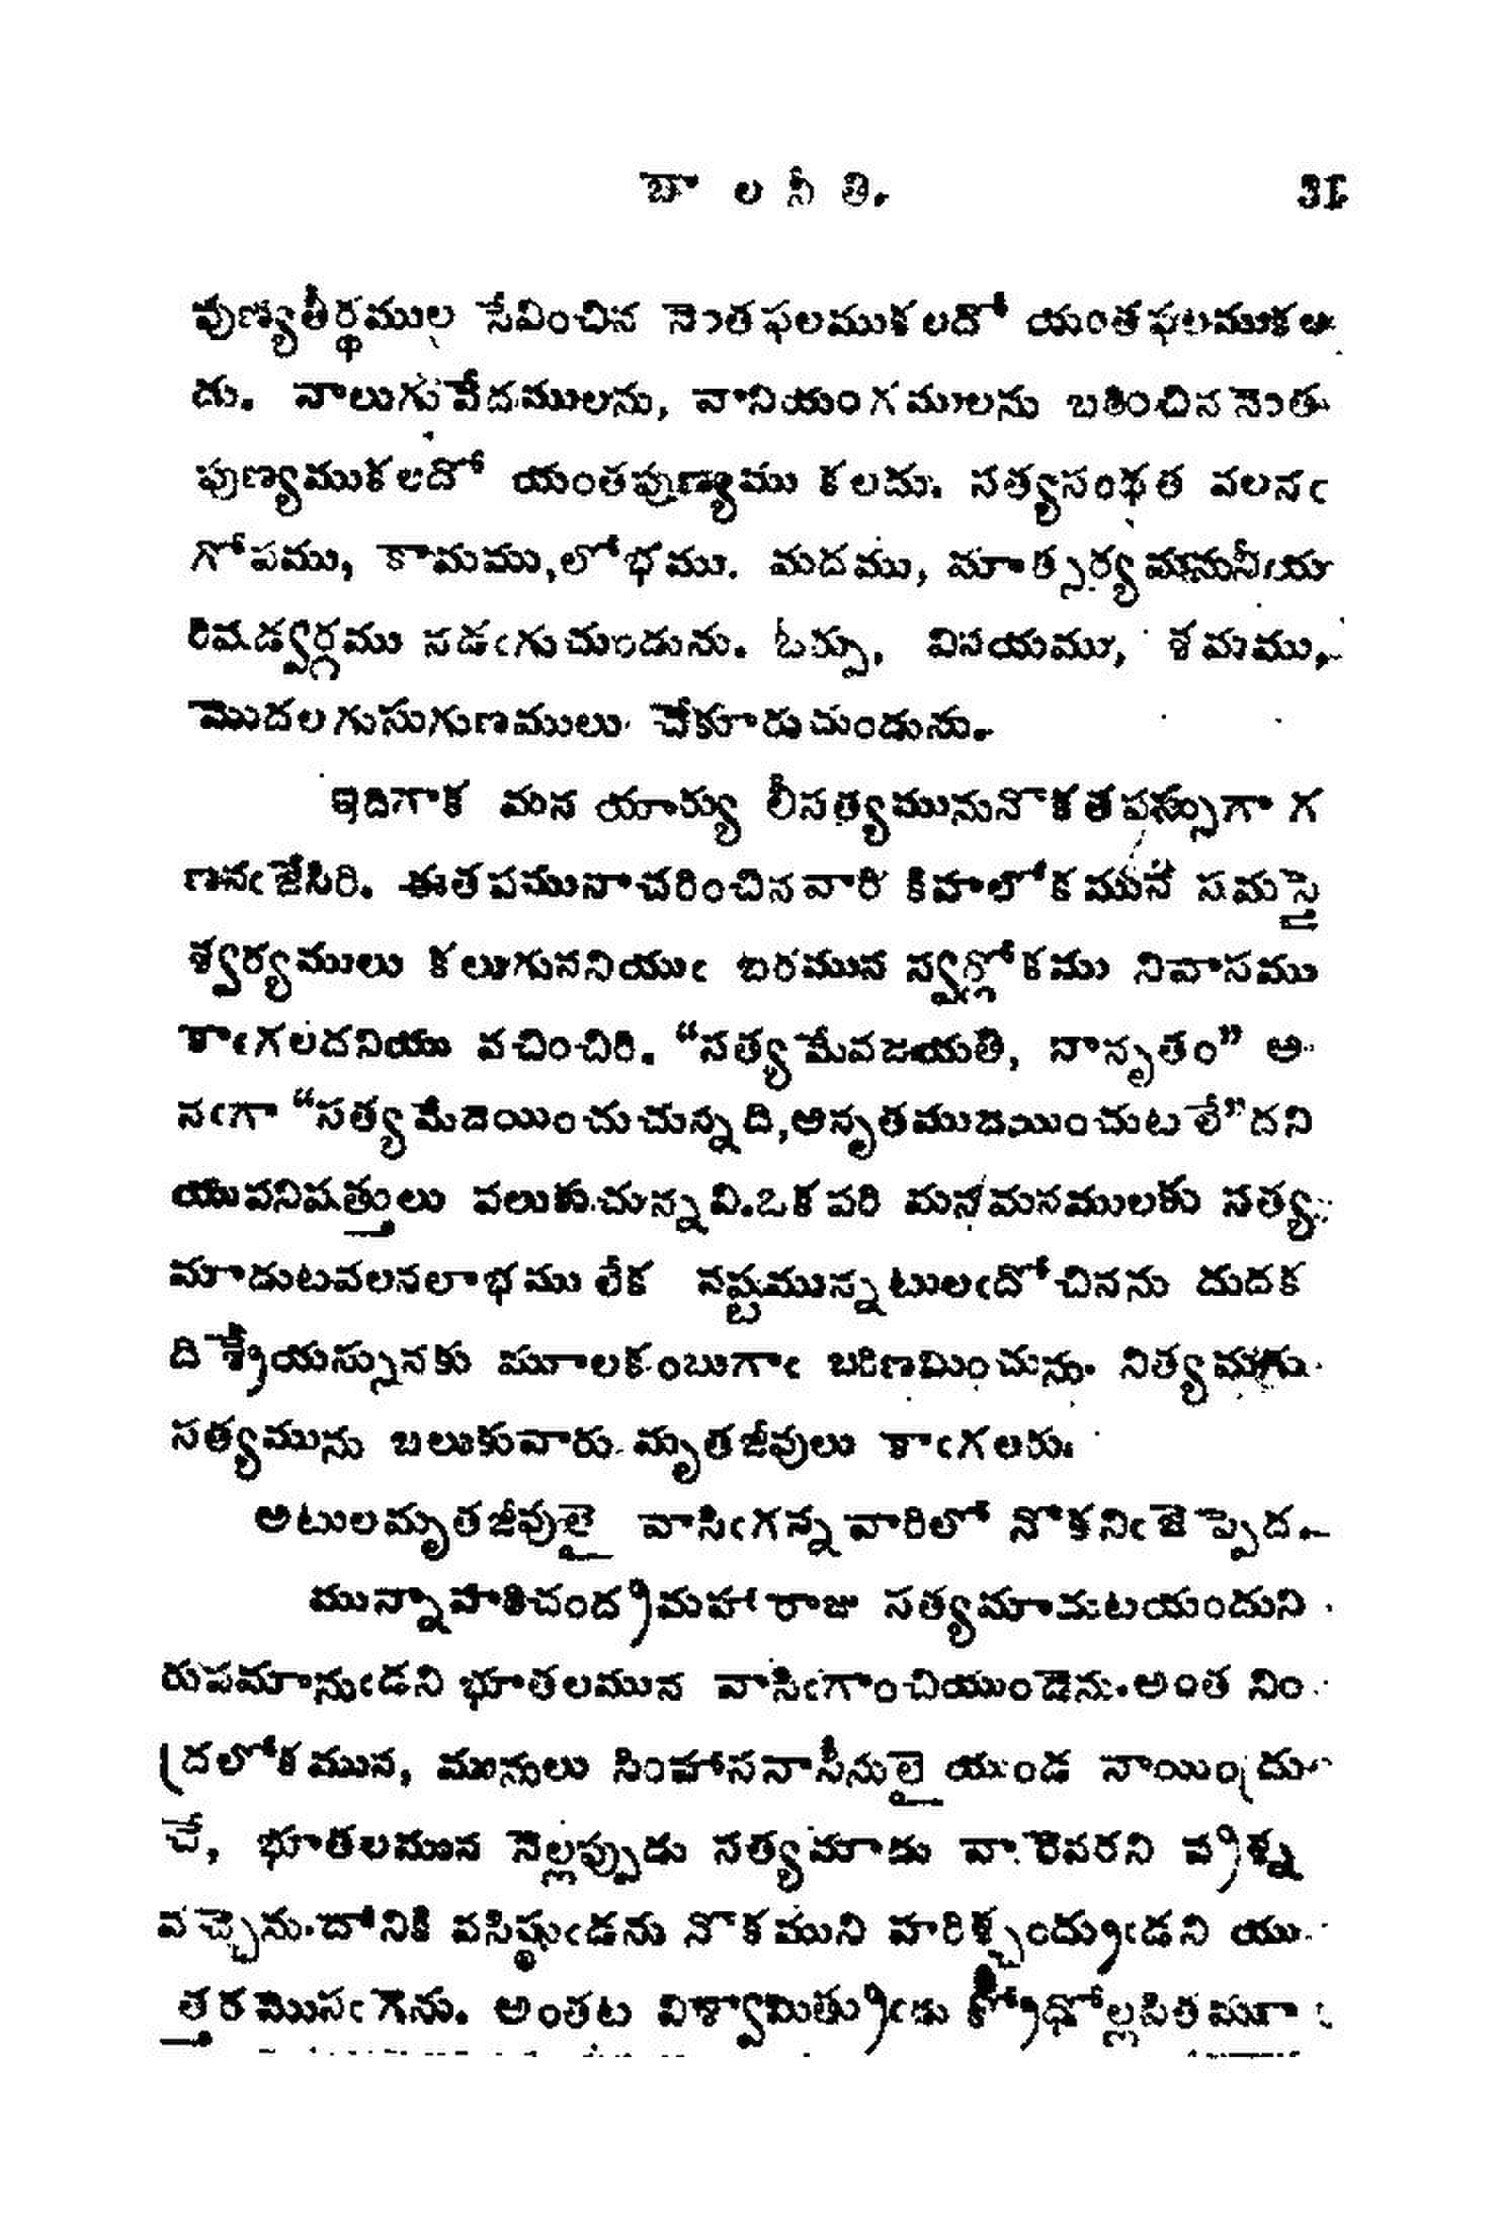పుణ్యతీర్థముల సేవించిన నెంతఫలముకలదో యంతఫలముకల
దు. నాలుగువేదములను, వానియంగములను బఠించిననెంత
పుణ్యముకలదో యంతపుణ్యము కలదు. సత్యసంధత వలనఁ 
గోపము, కామము, లోభము, మదము, మాత్సర్యమనునీయ
రిషడ్వర్గము నడఁగుచుండును. ఓర్పు, వినయము, శమము, 
మొదలగుసుగుణములు చేకూరుచుండును.

ఇదిగాక మన యార్యు లీసత్యమునునొకతపస్సుగా గ
ణనఁజేసిరి. ఈతపమునాచరించినవారి కిహలోకమున సమస్తై
శ్వర్యములు కలుగుననియుఁ బరమున స్వర్లోకము నివాసము 
కాఁగలదనియు వచించిరి. "సత్యమేవజయతి, నానృతం" అ
నఁగా "సత్యమేజయించున్నది, అనృతముజయించుటలే"దని 
యుపనిషత్తులు పలుకుచున్నవి. ఒకపరి మనమనములకు సత్య
మాడుటవలనలాభములేక నష్టమున్నటులఁదోచినను దుదక
ది శ్రేయస్సునకు మూలకంబుగాఁ బరిణమించును. నిత్యమగు
సత్యమును బలుకువారు మృతజీవులు కాఁగలరు.

అటులమృతజీవులై వాసిఁగన్నవారిలో నొకనిఁజెప్పెద.

మున్నాహరిచంద్రమహారాజు సత్యమాడుటయందుని
రుపమానుఁడని భూతలమున వాసిఁగాంచియుండెను. అంత నిం
ద్రలోకమున, మునులు సింహాసనాసీనులై యుండ నాయింద్రు
చే, భూతలమున నెల్లపుడు సత్యమాడు వారెవరని ప్రశ్న
వచ్చెను. దానికి వసిష్టుఁడను నొకముని హరిశ్చంద్రుఁడని యు
త్తరమొసఁగెను. అంతట విశ్వామిత్రుఁడు క్రోధోల్లసితమూ